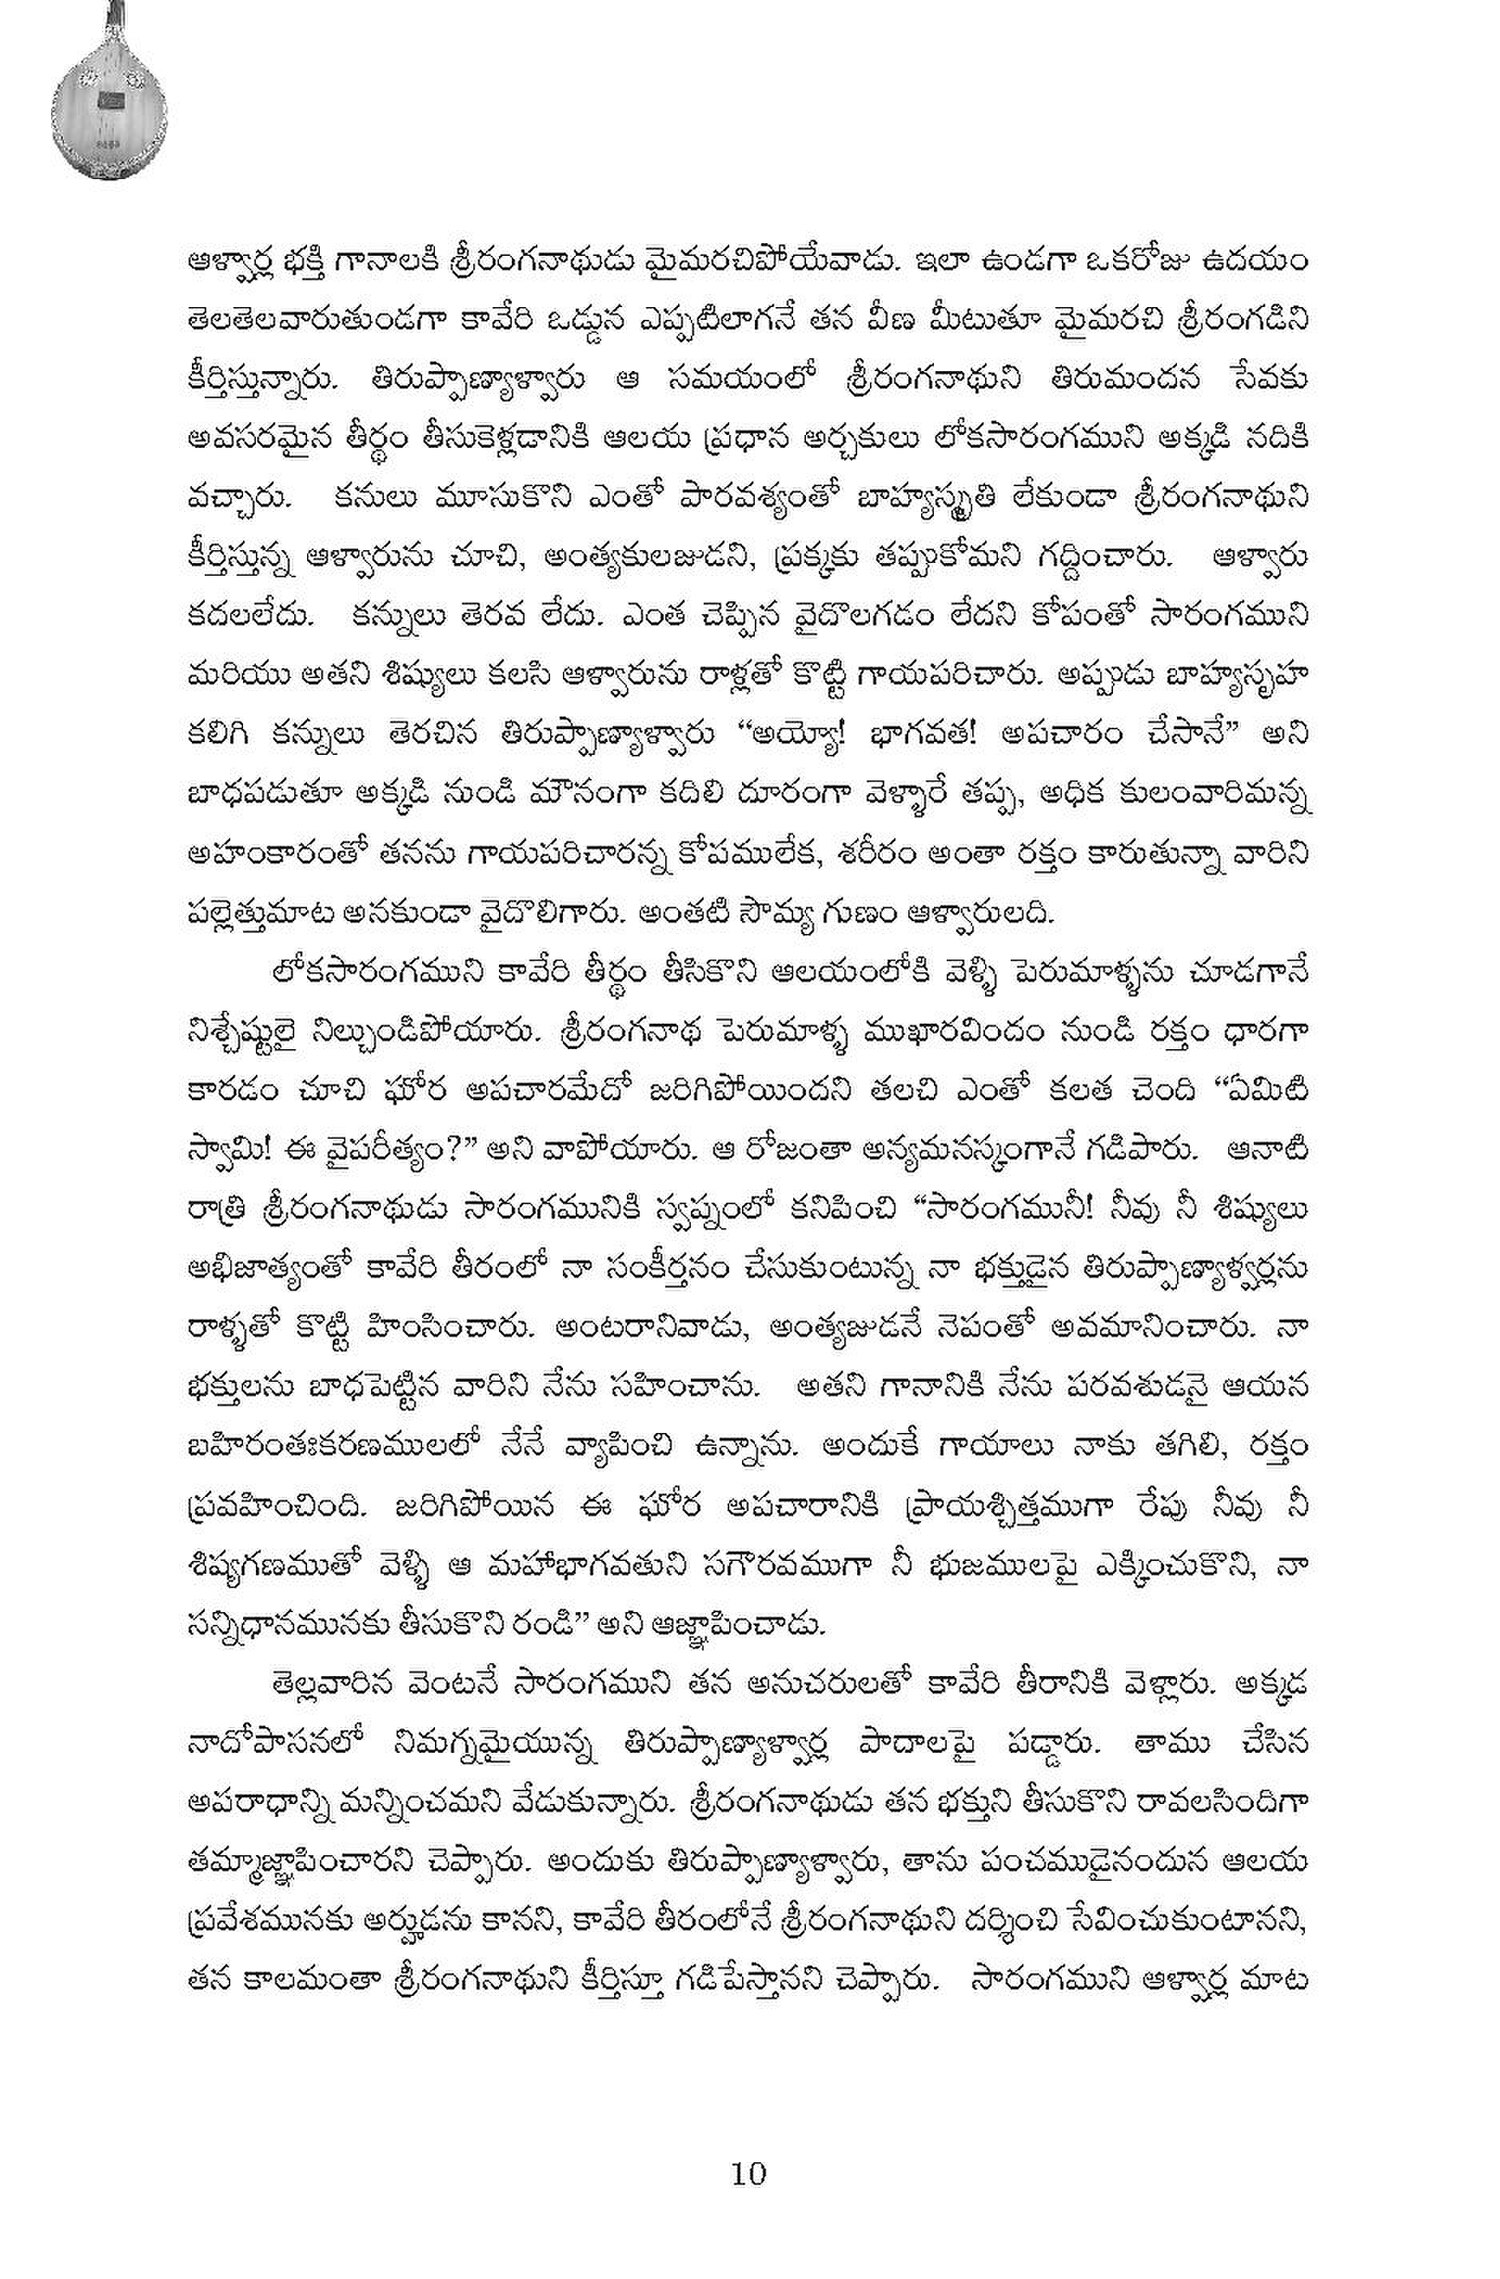ఆళ్వార్ల భక్తి గానాలకి శ్రీరంగనాథుడు మైమరచిపోయేవాడు. ఇలా ఉండగా ఒకరోజు ఉదయం తెలతెలవారుతుండగా కావేరి ఒడ్డున ఎప్పటిలాగనే తన వీణ మీటుతూ మైమరచి శ్రీరంగడిని కీర్తిస్తున్నారు. తిరుప్పాణ్యాళ్వారు ఆ సమయంలో శ్రీరంగనాథుని తిరుమందన సేవకు అవసరమైన తీర్థం తీసుకెళ్లడానికి ఆలయ ప్రధాన అర్చకులు లోకసారంగముని అక్కడి నదికి వచ్చారు. కనులు మూసుకొని ఎంతో పారవశ్యంతో బాహ్యస్మృతి లేకుండా శ్రీరంగనాథుని కీర్తిస్తున్న ఆళ్వారును చూచి, అంత్యకులజుడని, ప్రక్కకు తప్పుకోమని గద్దించారు. ఆళ్వారు కదలలేదు. కన్నులు తెరవ లేదు. ఎంత చెప్పిన వైదొలగడం లేదని కోపంతో సారంగముని మరియు అతని శిష్యులు కలసి ఆళ్వారును రాళ్లతో కొట్టి గాయపరిచారు. అప్పుడు బాహ్యసృహ కలిగి కన్నులు తెరచిన తిరుప్పాణ్యాళ్వారు "అయ్యో! భాగవత! అపచారం చేసానే” అని బాధపడుతూ అక్కడి నుండి మౌనంగా కదిలి దూరంగా వెళ్ళారే తప్ప, అధిక కులంవారిమన్న అహంకారంతో తనను గాయపరిచారన్న కోపములేక, శరీరం అంతా రక్తం కారుతున్నా వారిని పల్లెత్తుమాట అనకుండా వైదొలిగారు. అంతటి సౌమ్య గుణం ఆళ్వారులది.

లోకసారంగముని కావేరి తీర్థం తీసికొని ఆలయంలోకి వెళ్ళి పెరుమాళ్ళను చూడగానే నిశ్చేష్టులై నిల్చుండిపోయారు. శ్రీరంగనాథ పెరుమాళ్ళ ముఖారవిందం నుండి రక్తం ధారగా కారడం చూచి ఘోర అపచారమేదో జరిగిపోయిందని తలచి ఎంతో కలత చెంది "ఏమిటి స్వామి! ఈ వైపరీత్యం?” అని వాపోయారు. ఆ రోజంతా అన్యమనస్కంగానే గడిపారు. ఆనాటి
రాత్రి శ్రీరంగనాథుడు సారంగమునికి స్వప్నంలో కనిపించి "సారంగమునీ! నీవు నీ శిష్యులు అభిజాత్యంతో కావేరి తీరంలో నా సంకీర్తనం చేసుకుంటున్న నా భక్తుడైన తిరుప్పాణ్యాళ్వర్లను రాళ్ళతో కొట్టి హింసించారు. అంటరానివాడు, అంత్యజుడనే నెపంతో అవమానించారు. నా భక్తులను బాధపెట్టిన వారిని నేను సహించాను. అతని గానానికి నేను పరవశుడనై ఆయన
బహిరంతఃకరణములలో నేనే వ్యాపించి ఉన్నాను. అందుకే గాయాలు నాకు తగిలి, రక్తం ప్రవహించింది. జరిగిపోయిన ఈ ఘోర అపచారానికి ప్రాయశ్చిత్తముగా రేపు నీవు నీ శిష్యగణముతో వెళ్ళి ఆ మహాభాగవతుని సగౌరవముగా నీ భుజములపై ఎక్కించుకొని, నా సన్నిధానమునకు తీసుకొని రండి” అని ఆజ్ఞాపించాడు.

తెల్లవారిన వెంటనే సారంగముని తన అనుచరులతో కావేరి తీరానికి వెళ్లారు. అక్కడ నాదోపాసనలో నిమగ్నమైయున్న తిరుప్పాణ్యాళ్వార్ల పాదాలపై పడ్డారు. తాము చేసిన అపరాధాన్ని మన్నించమని వేడుకున్నారు. శ్రీరంగనాథుడు తన భక్తుని తీసుకొని రావలసిందిగా తమ్మాఙ్ఞాపించారని చెప్పారు. అందుకు తిరుప్పాణ్యాళ్వారు, తాను పంచముడైనందున ఆలయ
ప్రవేశమునకు అర్హుడను కానని, కావేరి తీరంలోనే శ్రీరంగనాథుని దర్శించి సేవించుకుంటానని, తన కాలమంతా శ్రీరంగనాథుని కీర్తిస్తూ గడిపేస్తానని చెప్పారు. సారంగముని ఆళ్వార్ల మాట